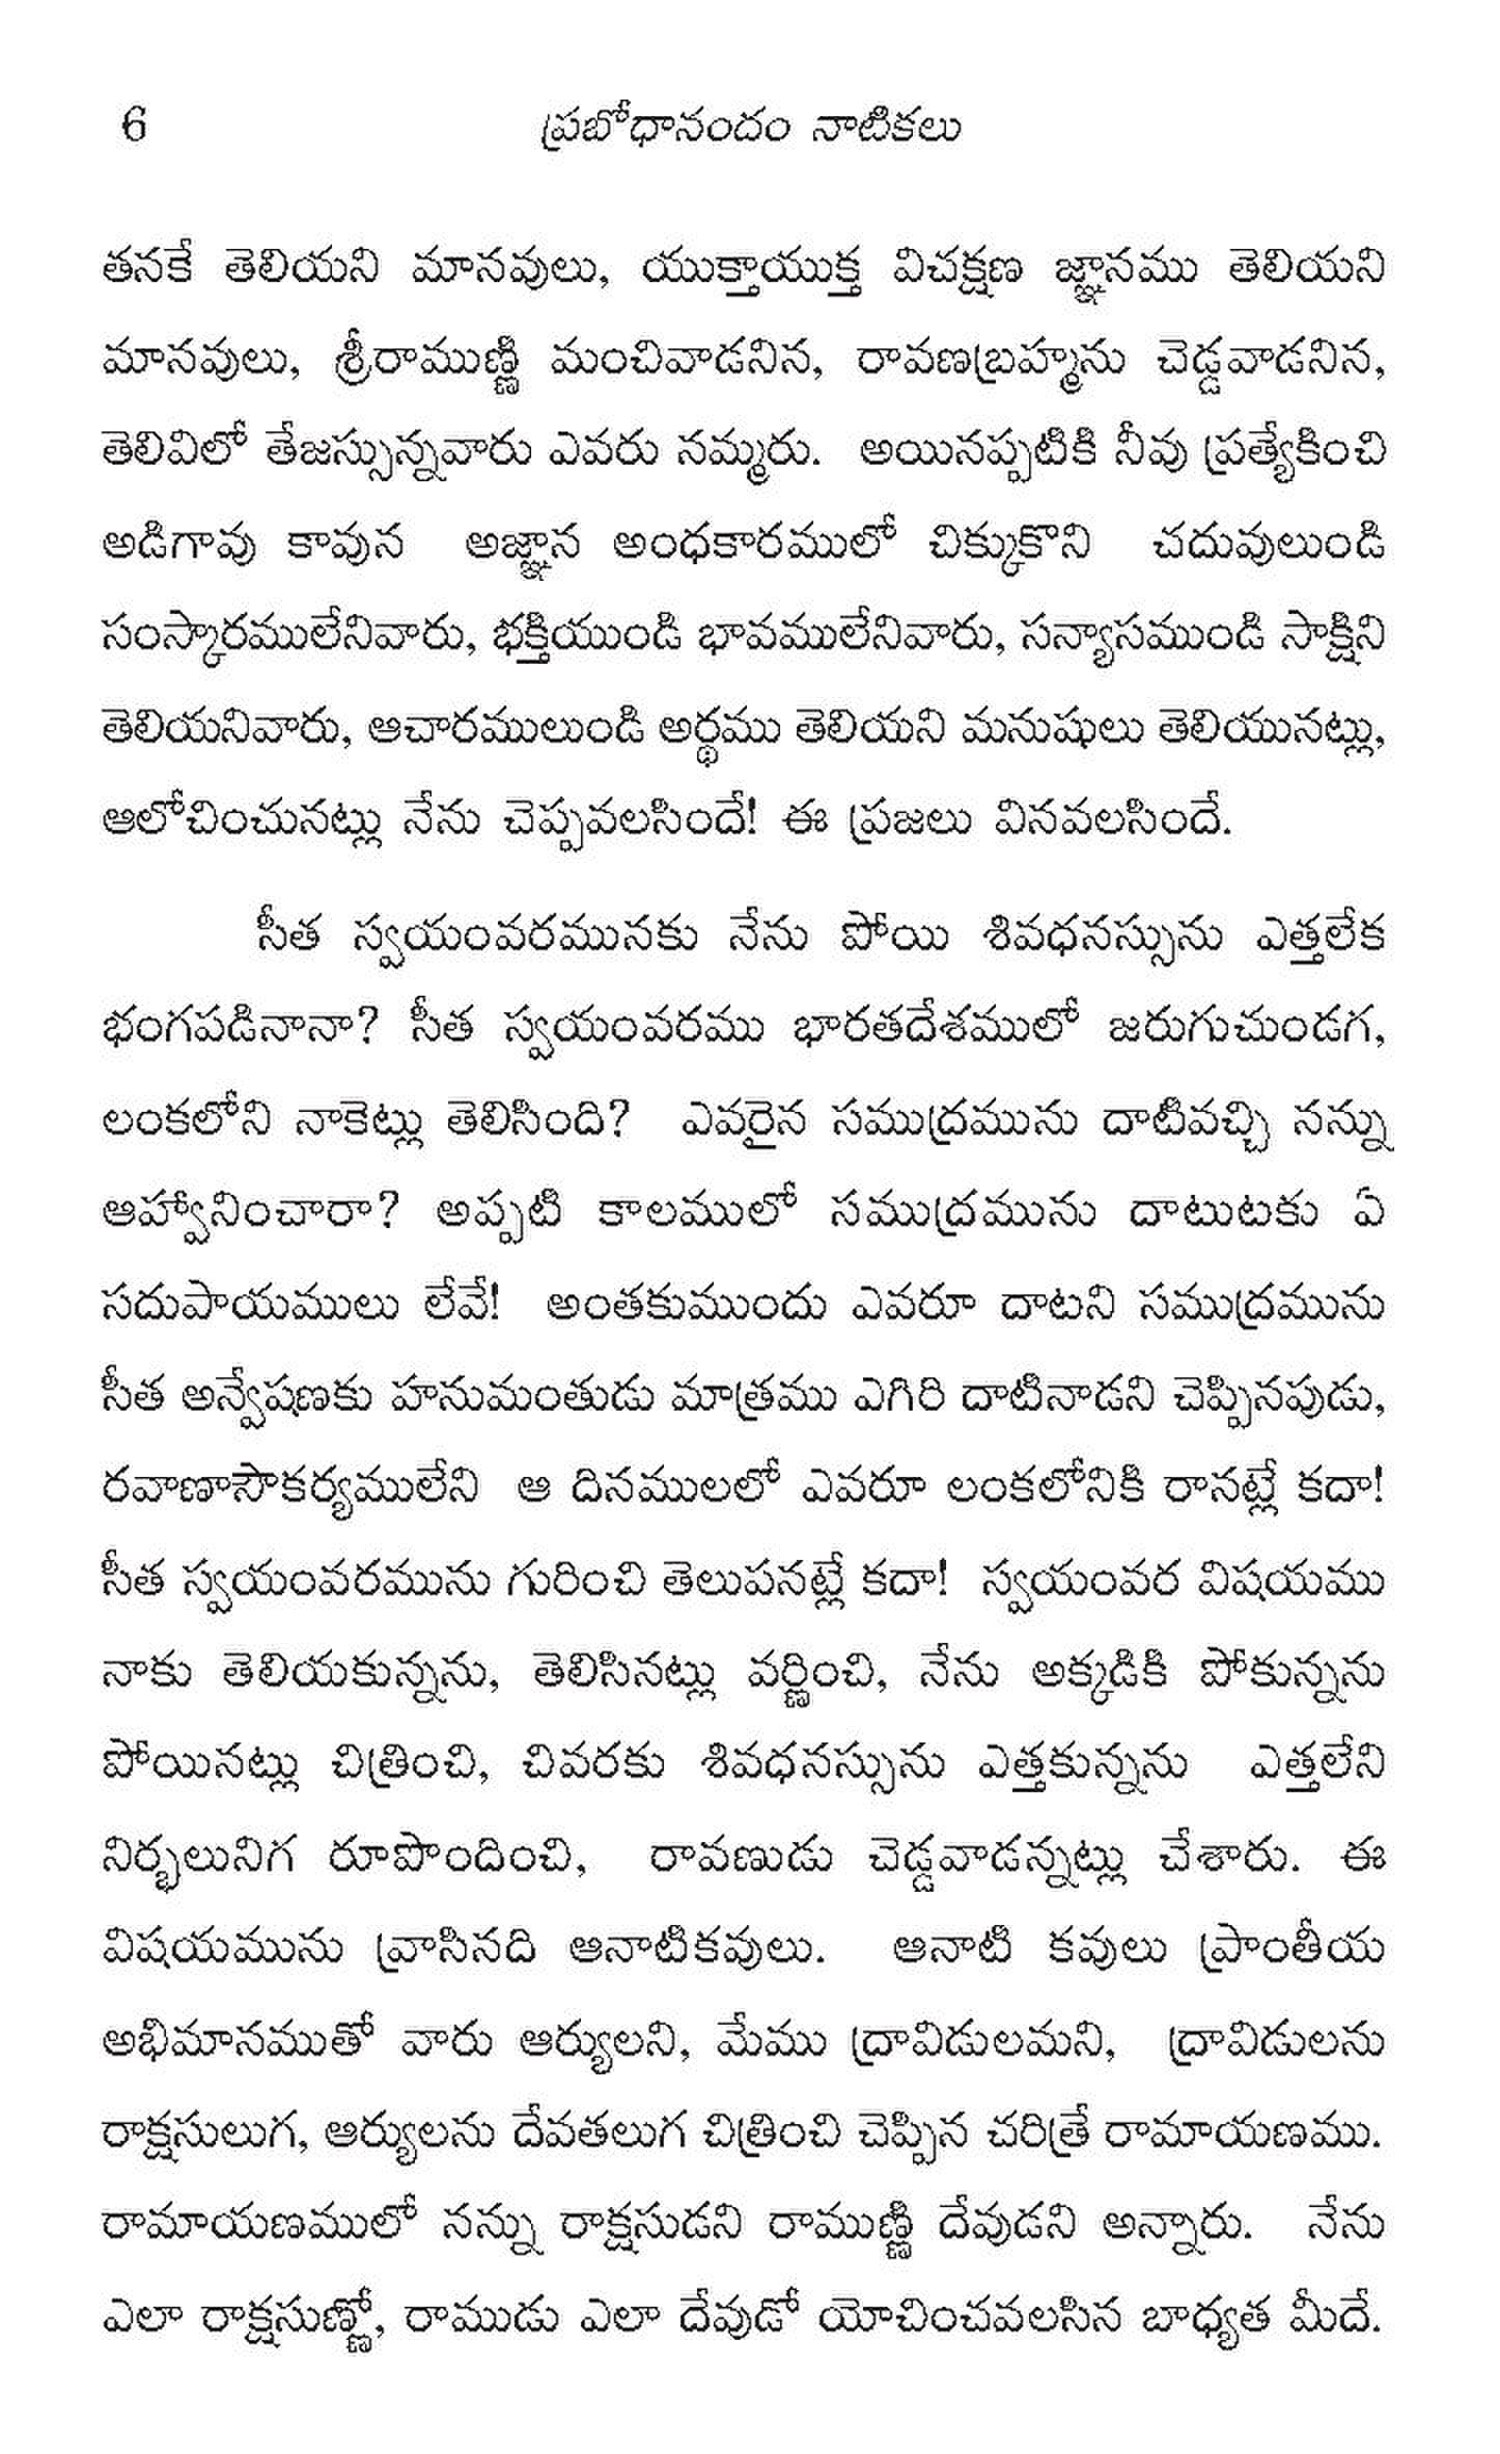తనకే తెలియని మానవులు, యుక్తాయుక్త విచక్షణ జ్ఞానము తెలియని మానవులు, శ్రీరాముణ్ణి మంచివాడనిన, రావణబ్రహ్మను చెడ్డవాడనిన, తెలివిలో తేజస్సున్నవారు ఎవరు నమ్మరు. అయినప్పటికి నీవు ప్రత్యేకించి అడిగావు కావున అజ్ఞాన అంధకారములో చిక్కుకొని చదువులుండి సంస్కారములేనివారు, భక్తియుండి భావములేనివారు, సన్యాసముండి సాక్షిని తెలియనివారు, ఆచారములుండి అర్థము తెలియని మనుషులు తెలియునట్లు, ఆలోచించునట్లు నేను చెప్పవలసిందే! ఈ ప్రజలు వినవలసిందే. 

సీత స్వయంవరమునకు నేను పోయి శివధనస్సును ఎత్తలేక భంగపడినానా? సీత స్వయంవరము భారతదేశములో జరుగుచుండగ, లంకలోని నాకెట్లు తెలిసింది? ఎవరైన సముద్రమును దాటివచ్చి నన్ను ఆహ్వానించారా? అప్పటి కాలములో సముద్రమును దాటుటకు ఏ సదుపాయములు లేవే! అంతకుముందు ఎవరూ దాటని సముద్రమును సీత అన్వేషణకు హనుమంతుడు మాత్రము ఎగిరి దాటినాడని చెప్పినపుడు, రవాణాసౌకర్యములేని ఆ దినములలో ఎవరూ లంకలోనికి రానట్లే కదా! సీత స్వయంవరమును గురించి తెలుపనట్లే కదా! స్వయంవర విషయము నాకు తెలియకున్నను, తెలిసినట్లు వర్ణించి, నేను అక్కడికి పోకున్నను పోయినట్లు చిత్రించి, చివరకు శివధనస్సును ఎత్తకున్నను ఎత్తలేని నిర్భలునిగ రూపొందించి, రావణుడు చెడ్డవాడన్నట్లు చేశారు. ఈ విషయమును వ్రాసినది ఆనాటికవులు. ఆనాటి కవులు ప్రాంతీయ అభిమానముతో వారు ఆర్యులని, మేము ద్రావిడులమని, ద్రావిడులను రాక్షసులుగ, ఆర్యులను దేవతలుగ చిత్రించి చెప్పిన చరిత్రే రామాయణము. రామాయణములో నన్ను రాక్షసుడని రాముణ్ణి దేవుడని అన్నారు. నేను ఎలా రాక్షసుణ్ణో, రాముడు ఎలా దేవుడో యోచించవలసిన బాధ్యత మీదే.